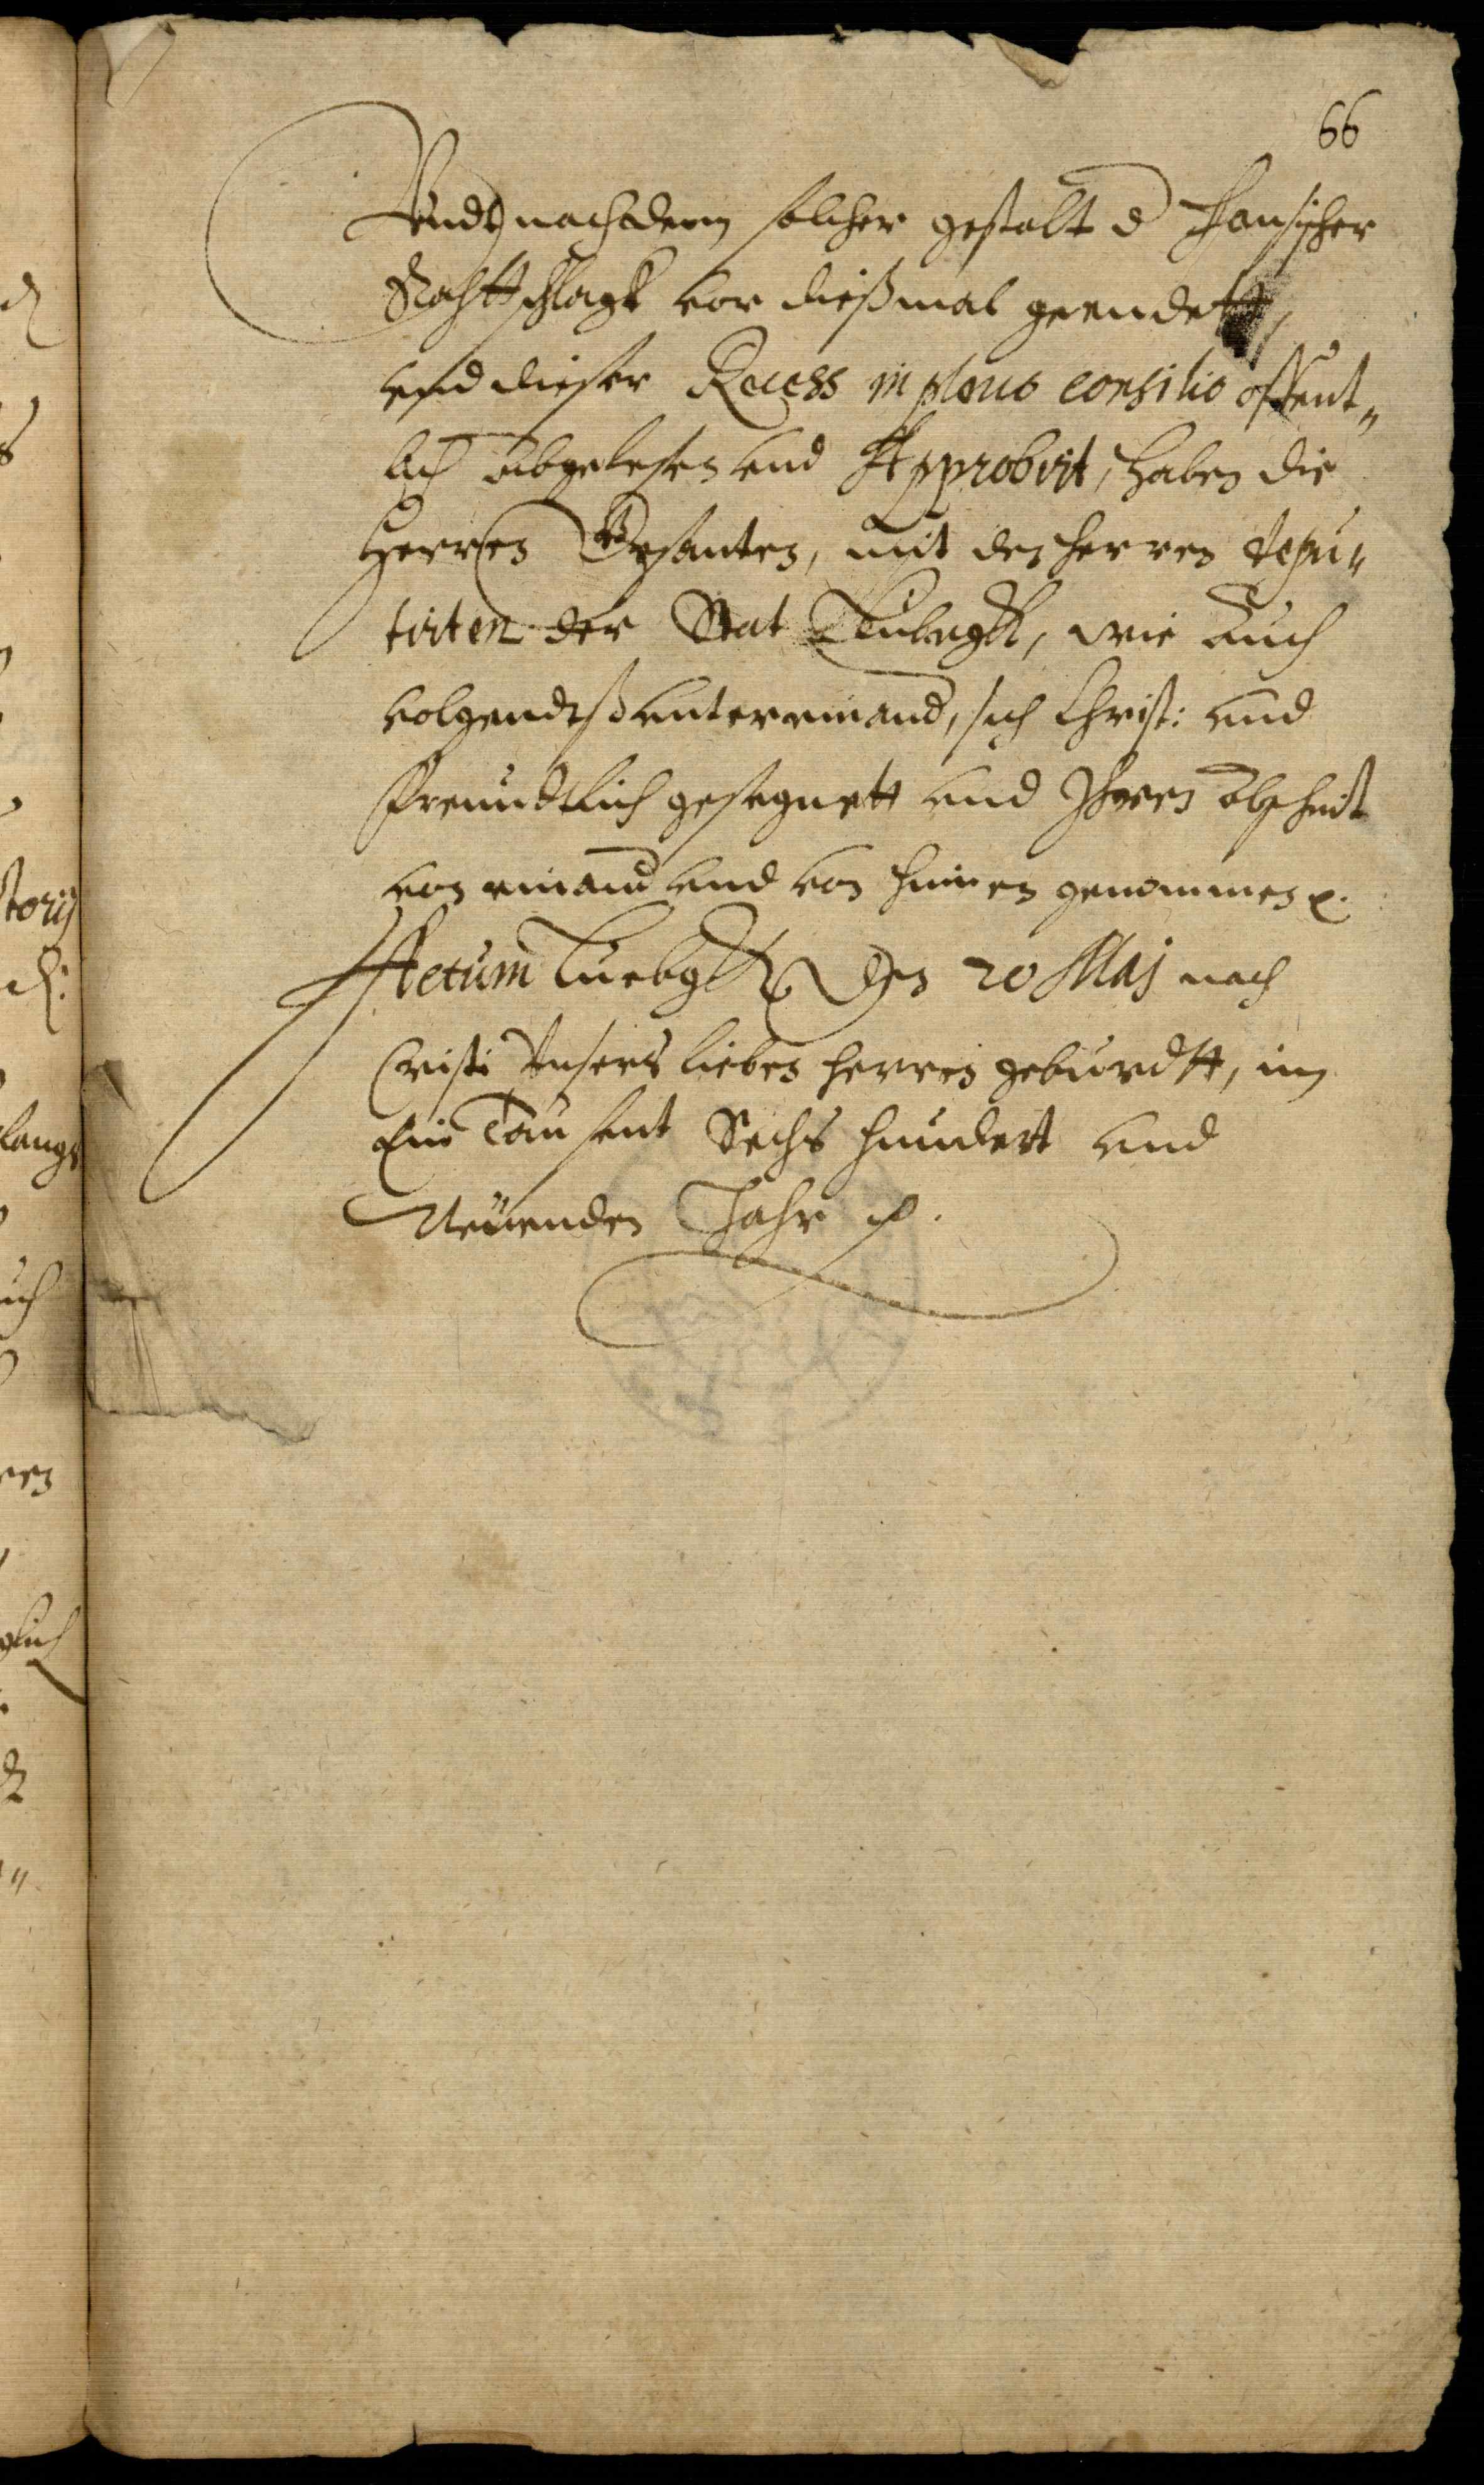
66
Vndt nachdem solcher gestalt der Hansischer
Rahttschlagk vor dießmal geendett,
vnd dieser Recess in pleno consilio offent¬
lich abgelesen vnd Approbirt, haben die
Herren Gesanten, mit den herren depu¬
tirten der Stat Lubegk, wie Auch
volgendtß vntereinander, sich Christ: vnd
freundtlich gesegnett vnd Ihren abscheit
von einander vnd von hinnen genommen p.
Actum Luebgk den 20 Maj nach
Cristi vnsers lieben herren geburdtt, im
Ein Tausent Sechs hundert vnd
Neünnden Iahr p.
